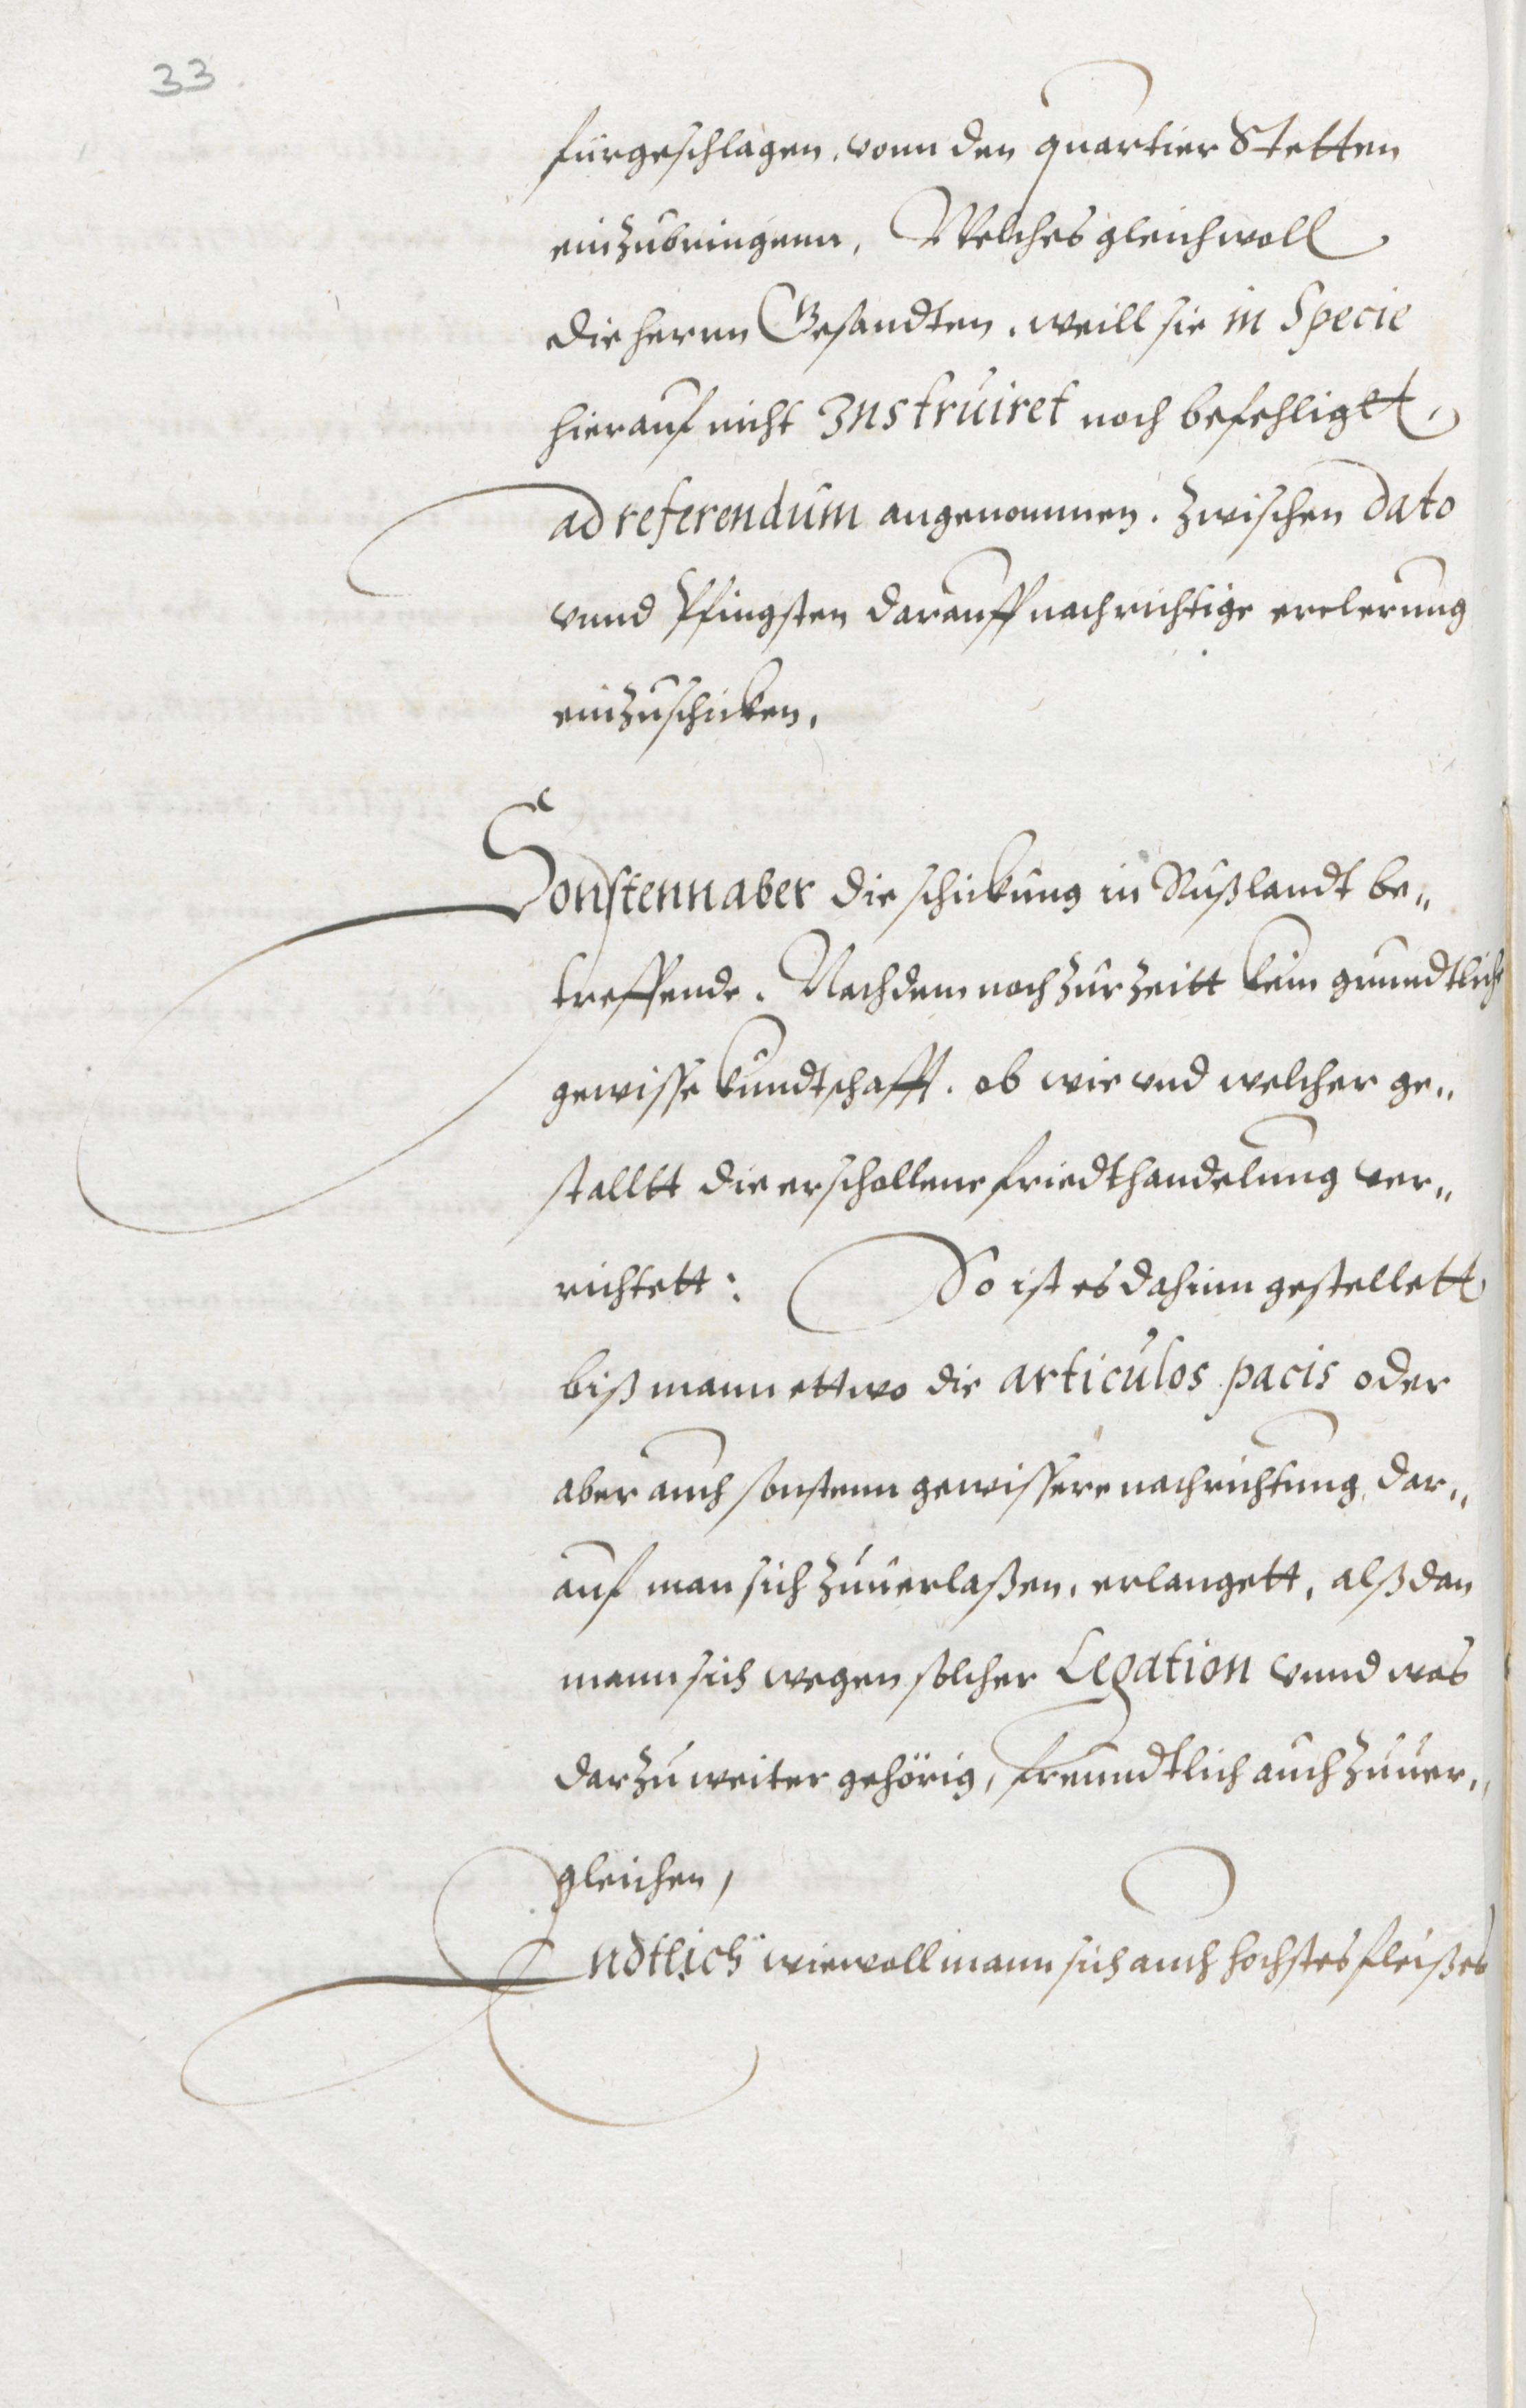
fürgeschlagen, vonn den quartier Stetten
einzubringenn, Welches gleichwoll
die herrn Gesandten, weill sie in Specie
hierauf nicht Instruiret noch befehliget,
ad referendum angenommen, zwischen dato
vnnd Pfingsten darauff nachrichtige erclerung
einzuschicken.
Sonstenn aber die schickung in Rußlandt be¬
treffende, Nachdem nach zur zeitt kein grundliche
gewisse kundtschafft, ob wir vnd welcher ge¬
stallt die erschollene friedthandelung ver¬
richtett: So ist es dahinn gestellett
biß mann ettwo die articulos pacis oder
aber auch sonstenn gewissere nachrichtung dar¬
auf man sich zuuerlaßen, erlangett, alß dan
mann sich wegen solcher Legation vnnd was
darzu weiter gehörig, freundtlich auch zuuer¬
gleichen,
Endtlich wiewoll mann sich auch hochstes fleißes
